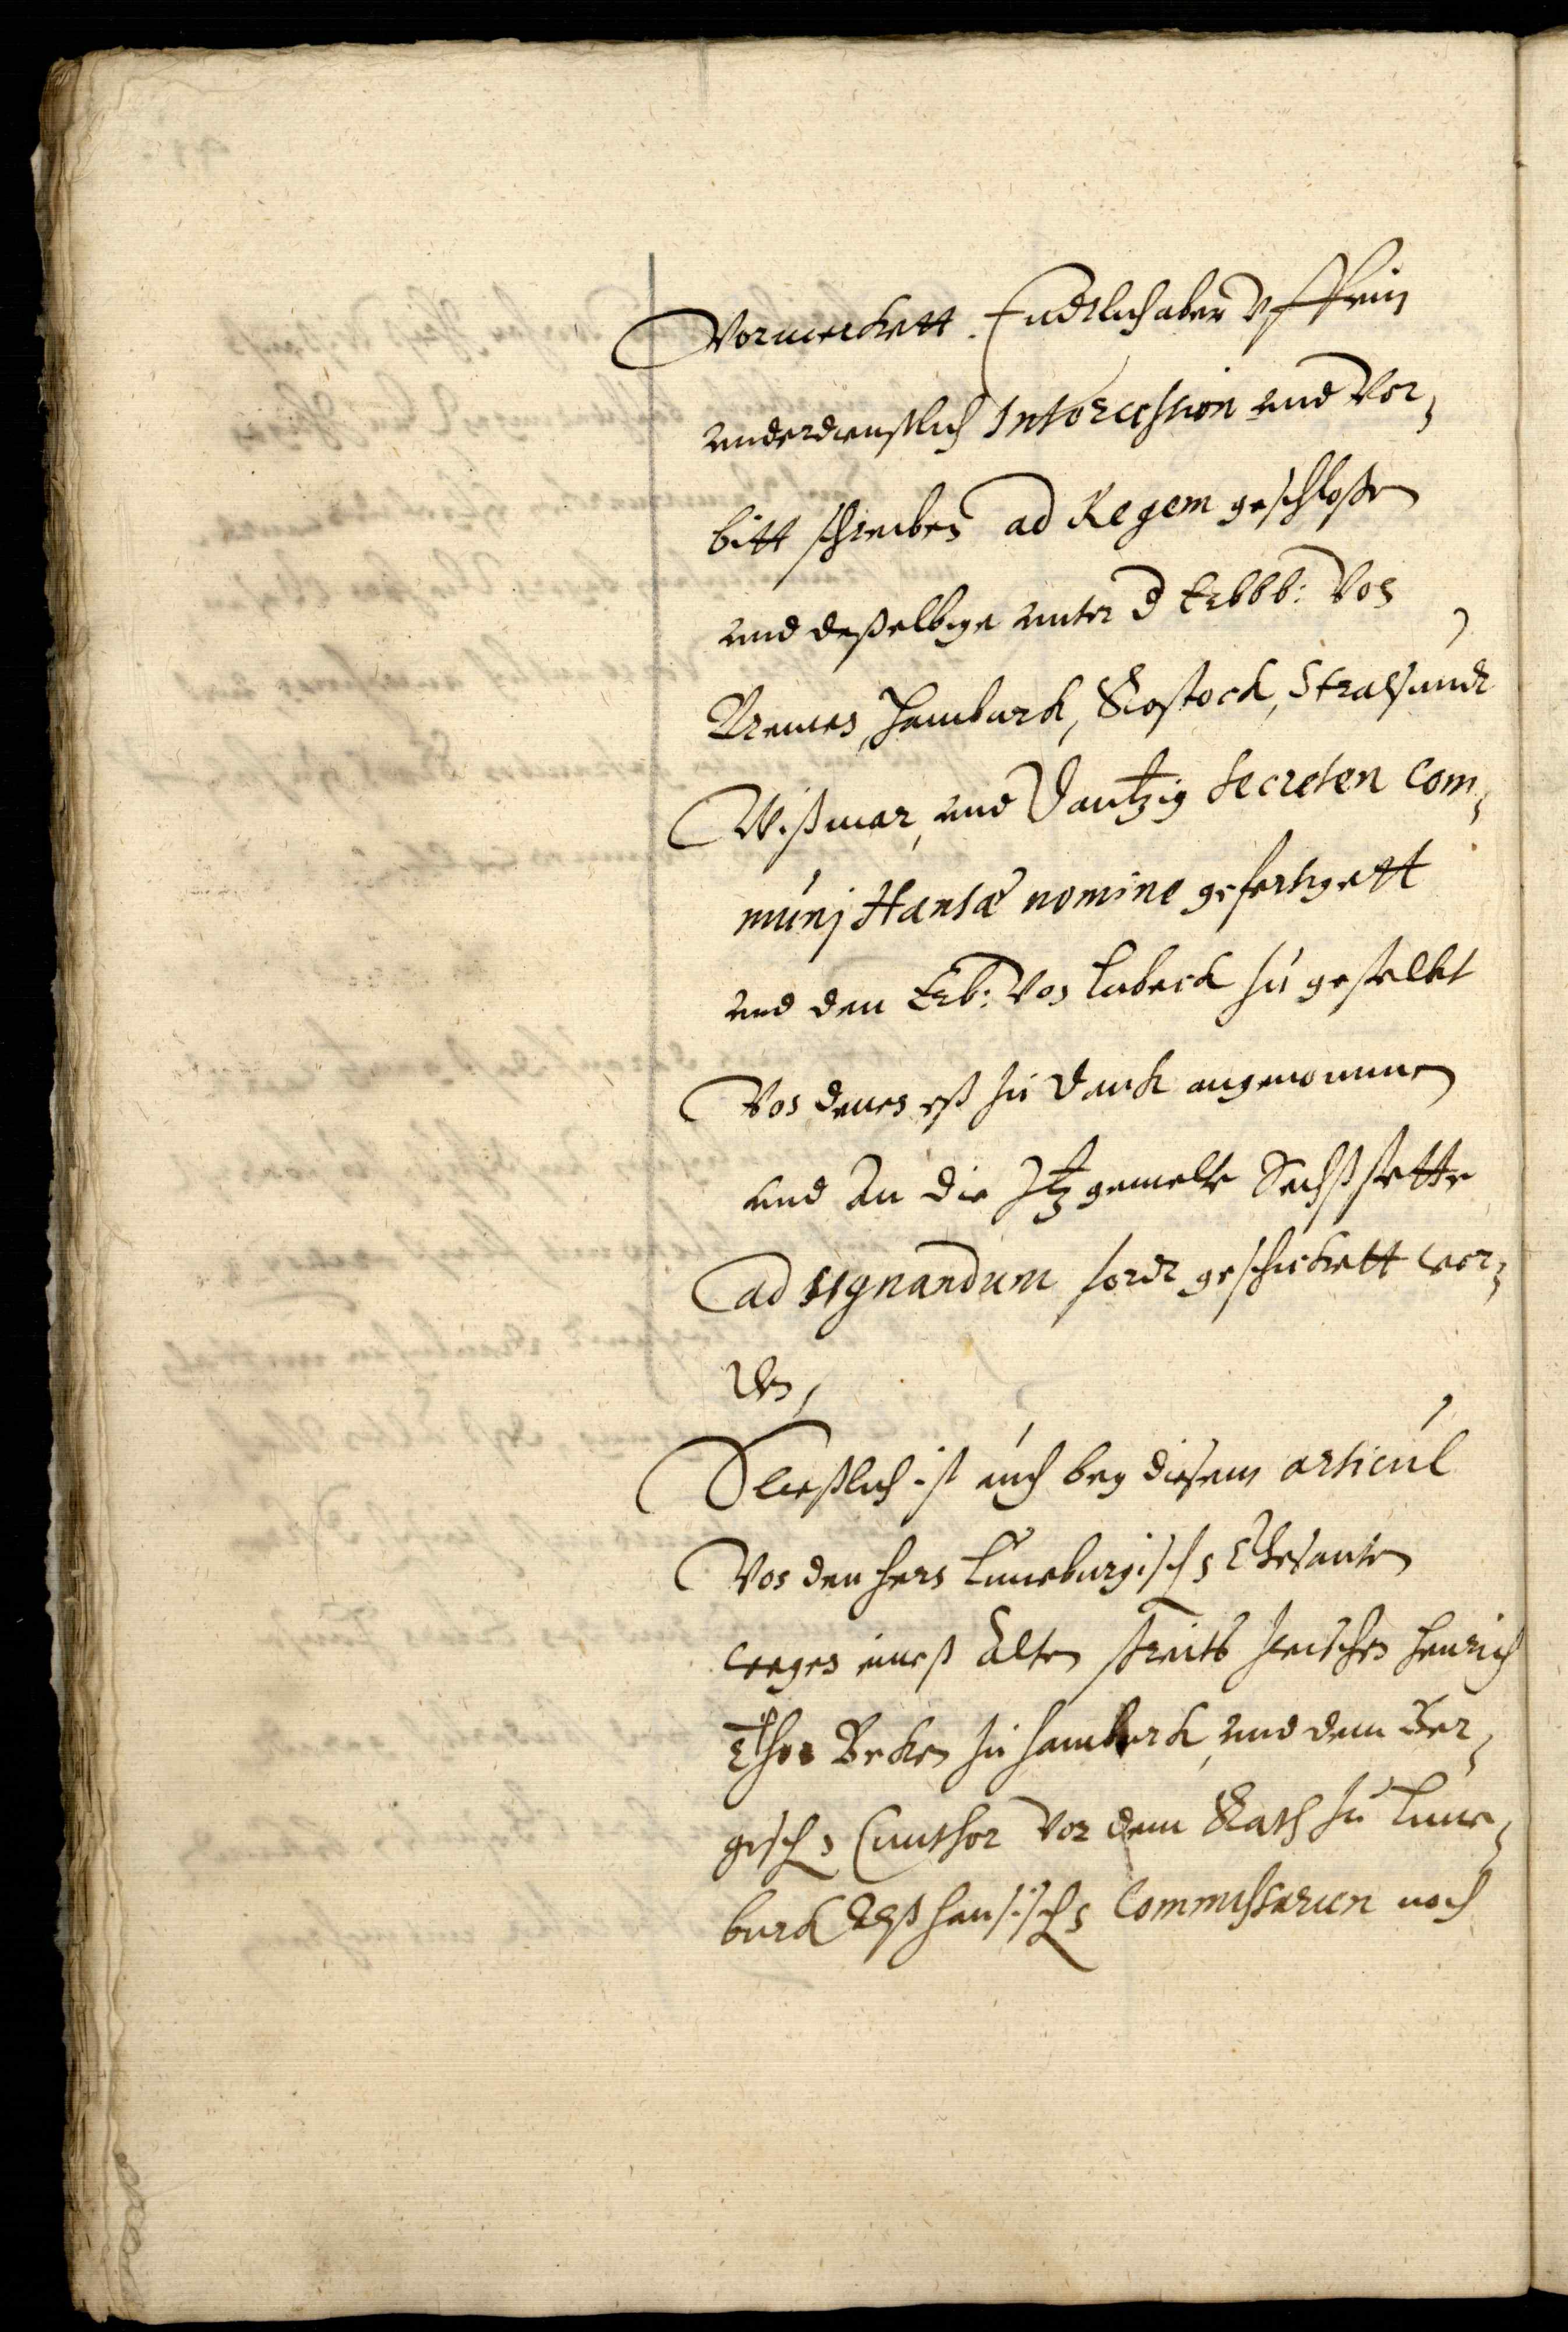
vormerckett Endtlich aber vff einen
vnderdienstlich Intercession vnd vor¬
bitt schreiben ad Regem geschlosen
vnd daßselbige vnter der Erbbb: von
Bremen, hamburk, Rostock, Stralsundt
Wißmar, vnd Dantzig Secreten com¬
munj Hansae nomine gefertigett
vnd den Erb: von Lubeck zugestellet
von denen eß zu Dank angenommen
vnd An die Itzgemelte Sechß stette
an regnardum dordt geschicket wor¬
den,
Sließlich ist auch beij diesem Articul
von den hern Luneburgischen Gesanten
wegen eineß Alten streits zwischen henrich
Thor Beken zu hamburk, vnd dem Ber¬
gischen Cunthor vor dem Rath zu Lune¬
burk Alß hansischen Commissarien nach
